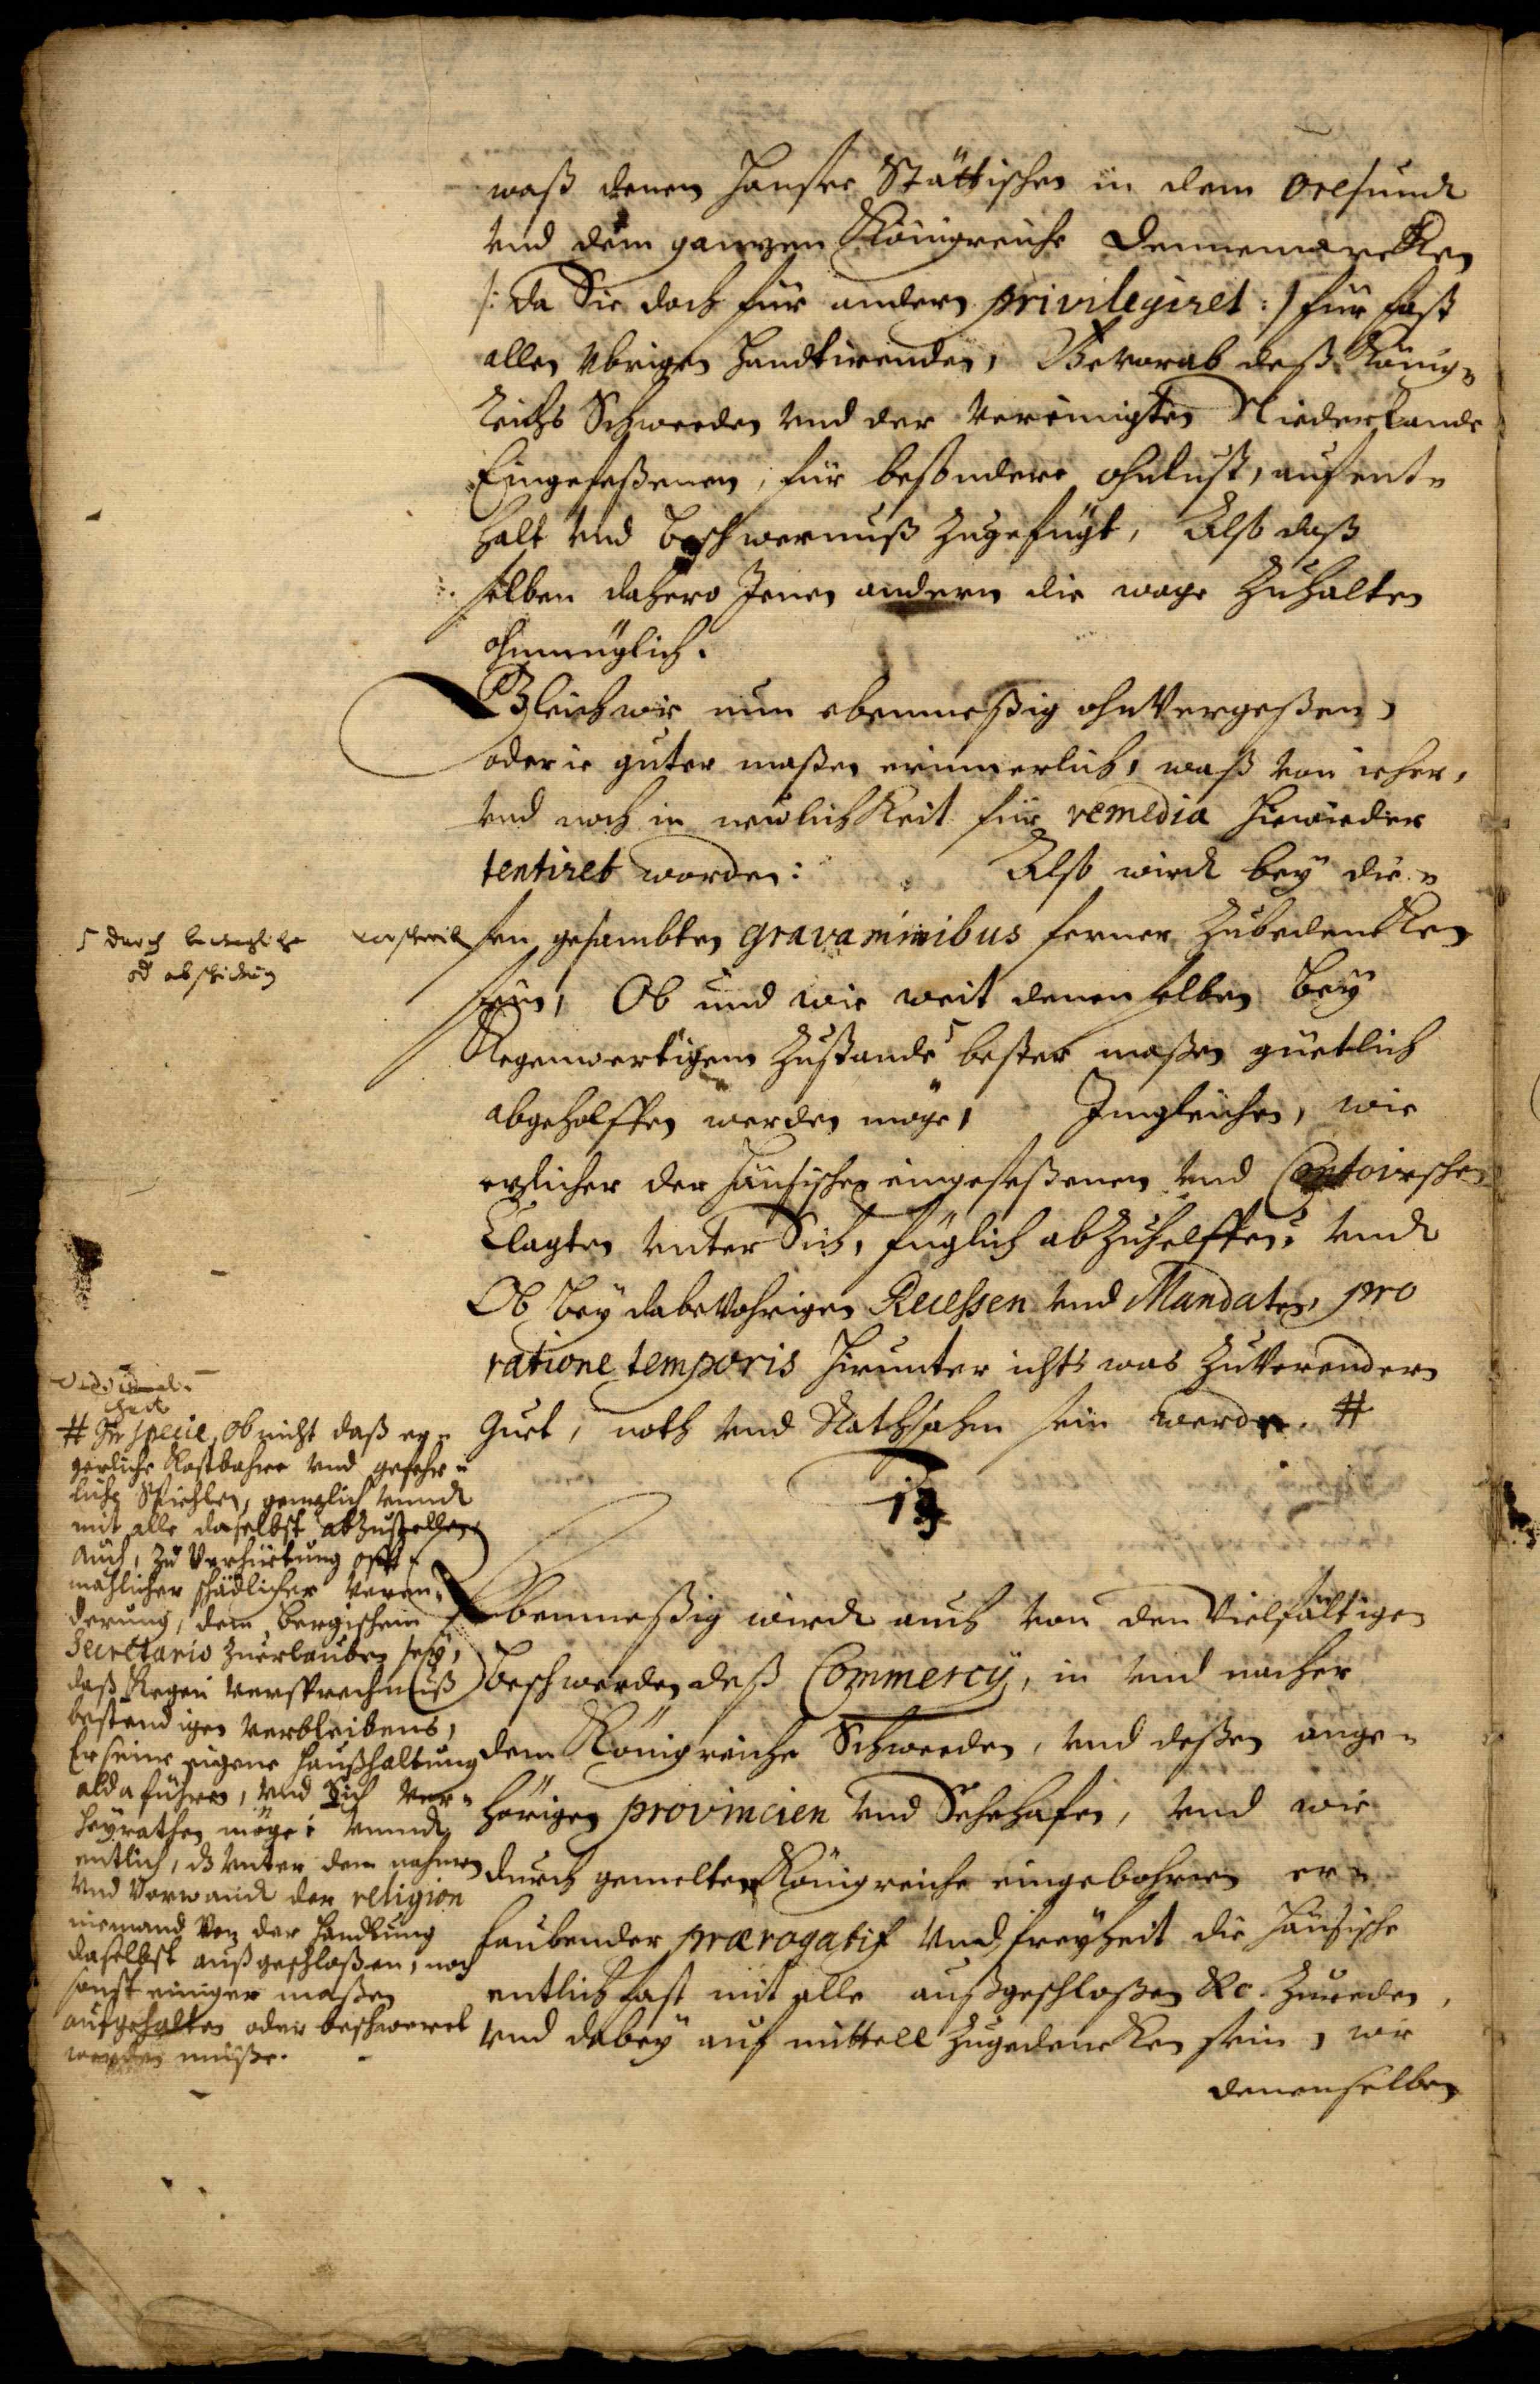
waß denen hansee Stättischen in dem Oresundt
vnd dem ganzen Königreiche Dennemarcken
/: da Sie doch für andern priviligiret :/ fur fast
allen vbrigen handtirenden, Bevorab deß König¬
reichs Schweden vnd der Vereinigten Niederlande
Eingeseßenen, für besondere ohnlust, aufent¬
halt vnd beschwernuß zugefügt, alß daß
selben dahero Jenen andern die wege zuhalten
ohnmüglich.
Gleich wie nun ebenmeßig ohnvergeßen,
oder ie guter maßen erinnerlich, waß von ieher,
vnd noch in newlichkeit für remedia hiewieder
tentiret worden: Also wirdt beij die¬
sen gesambten gravanimibus ferner zubedenken
sein, Ob und wie weit denen selben beij
Kegenwertigem Zustande 5 bester maßen güetlich
abgeholfen werden möge, Imgleichen, wie
ezliche der hänsischen eingeseßenen vnd Contoirschen
Clagten vnter Sich, füglich abzuhelffen? Vndt
Ob beij dabevohrigen Recessen vnd Mandaten, pro
ratione temporis hirunter ichts was zuverendern
guet, noth vnd Rathsahm sein werden. #
5 durch bewegliche verschick
oder abschickung
vid. idmal
heit
# In Specie, ob nicht daß er¬
gerliche kostbahre vnd gefehr¬
liche Spiehlen, gentzlich unndt
mit alle daselbst abzustellen,
auch, zu verhüetung offt¬
mahlicher schädlicher veren¬
derung, dem bergischem
Secretario zuerlauben seij,
daß kegen versprechnuß
bestendigen verbleibens,
er seine eigene haußhaltung
alda führen, vnd Sich ver¬
heijrathen möge: vnndt
entlich, daß vnter dem nahmen
vnd vorwandt der religion
niemand von der handlung
daselbst außgeschloßen; noch
sonst einiger maßen
aufgehalten oder beschweret
werden müße.
13
Ebenmeßig wirdt auch von den vielfältigen
beschwerden deß Commercij, in vnd nacher
dem Königreiche Schweden, vnd deßen ange¬
hörigen provincien vnd Sehehafen, vnd wie
durch gemelter Königreiche eingebohrenen er¬
haubender praerogatif vnd freijheit die hänsische
entlich fast mit alle außgeschloßen &c. zureden
vnd dabeij auf mittell zugedencken sein, wie
denenselben
